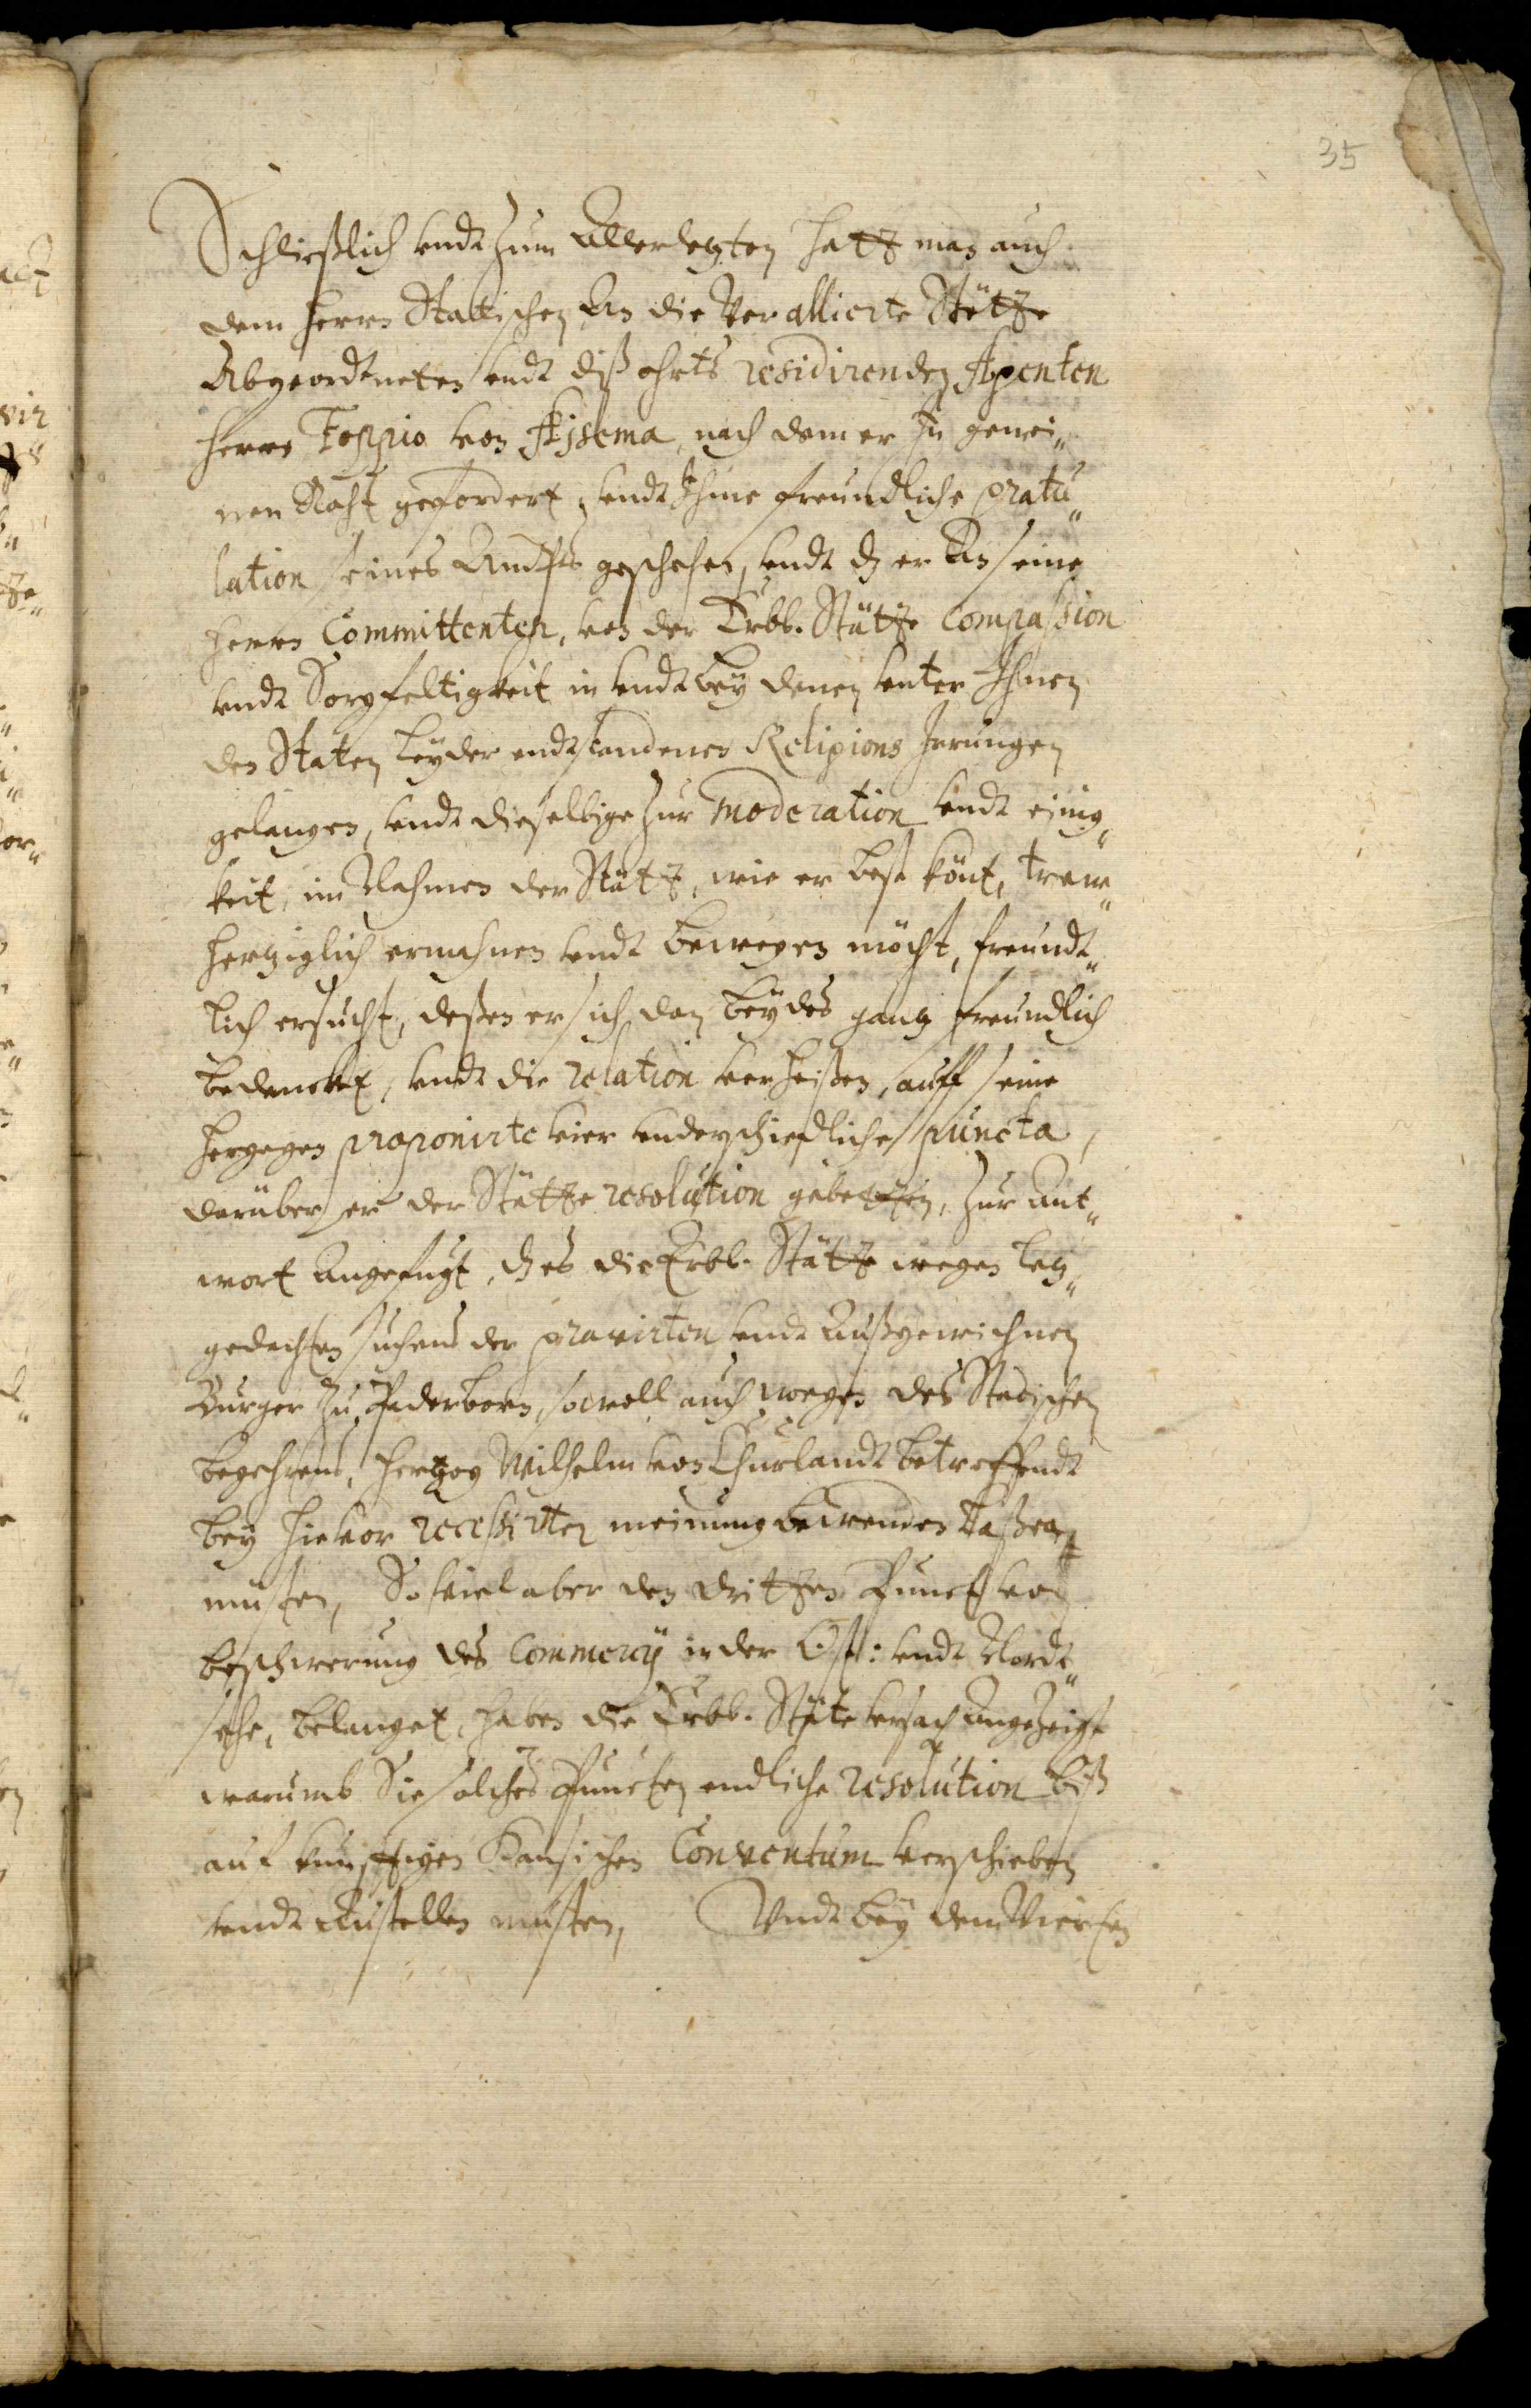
Schließlich vndt zum allerletzten hatt man auch
dem herrn Statischen an die Verallierte Stätte
Abgeordtneten vndt diß ohrts residirenden Agenten
herrn Foppio von Aisema, nach dem er In gemein¬
nen Raht gefordert, vndt Ihme freundliche gratu¬
lation seines Ampts geschehen, vndt den er an seine
herrn Committerten, von der Erbb. Stätte compaßion
vndt Sorgfeltigkeit in vndt beij denen vnter Ihnen
den Staten leijder endtstandenen Religions Irrungen
gelangen, vndt dieselbige zur moderation vndt einig¬
keit, im Nahmen der Stätt, wie er best könt, trew¬
herziglich ermahnen vndt bewegen möcht, freundt¬
lich ersucht, deßen er sich dan beijdes gantz freundlich
bedanckt, vndt die relation verheißen, auff seine
hergegen proponirte vier vnderschiedliche puncta,
darüber er der Stätte resolution gebetten, zur ant¬
wort angefugt, den es die Erbb. Stätte wegen letz¬
gedachten suchens der gravirten vndt außgewichnen
Burger Zu Paderborn, sowoll auch wegen des Stadischen
begehren, hertzog Wilhelm von Churlandt betreffendt
beij hievor recessirtten meinung bewenden laßen
müssen, So viel aber den dritten Punct von
beschwerung des Commercij in der Ost: vndt Nordt¬
sehe, belanget, haben die Erbb. Stäte vrsach angezeigt
warumb Sie solches Puncten endliche resolution biß
auf kunfftigen Hansischen Conventum verschieben
vndt anstellen müssen, Vndt beij dem Vierten
